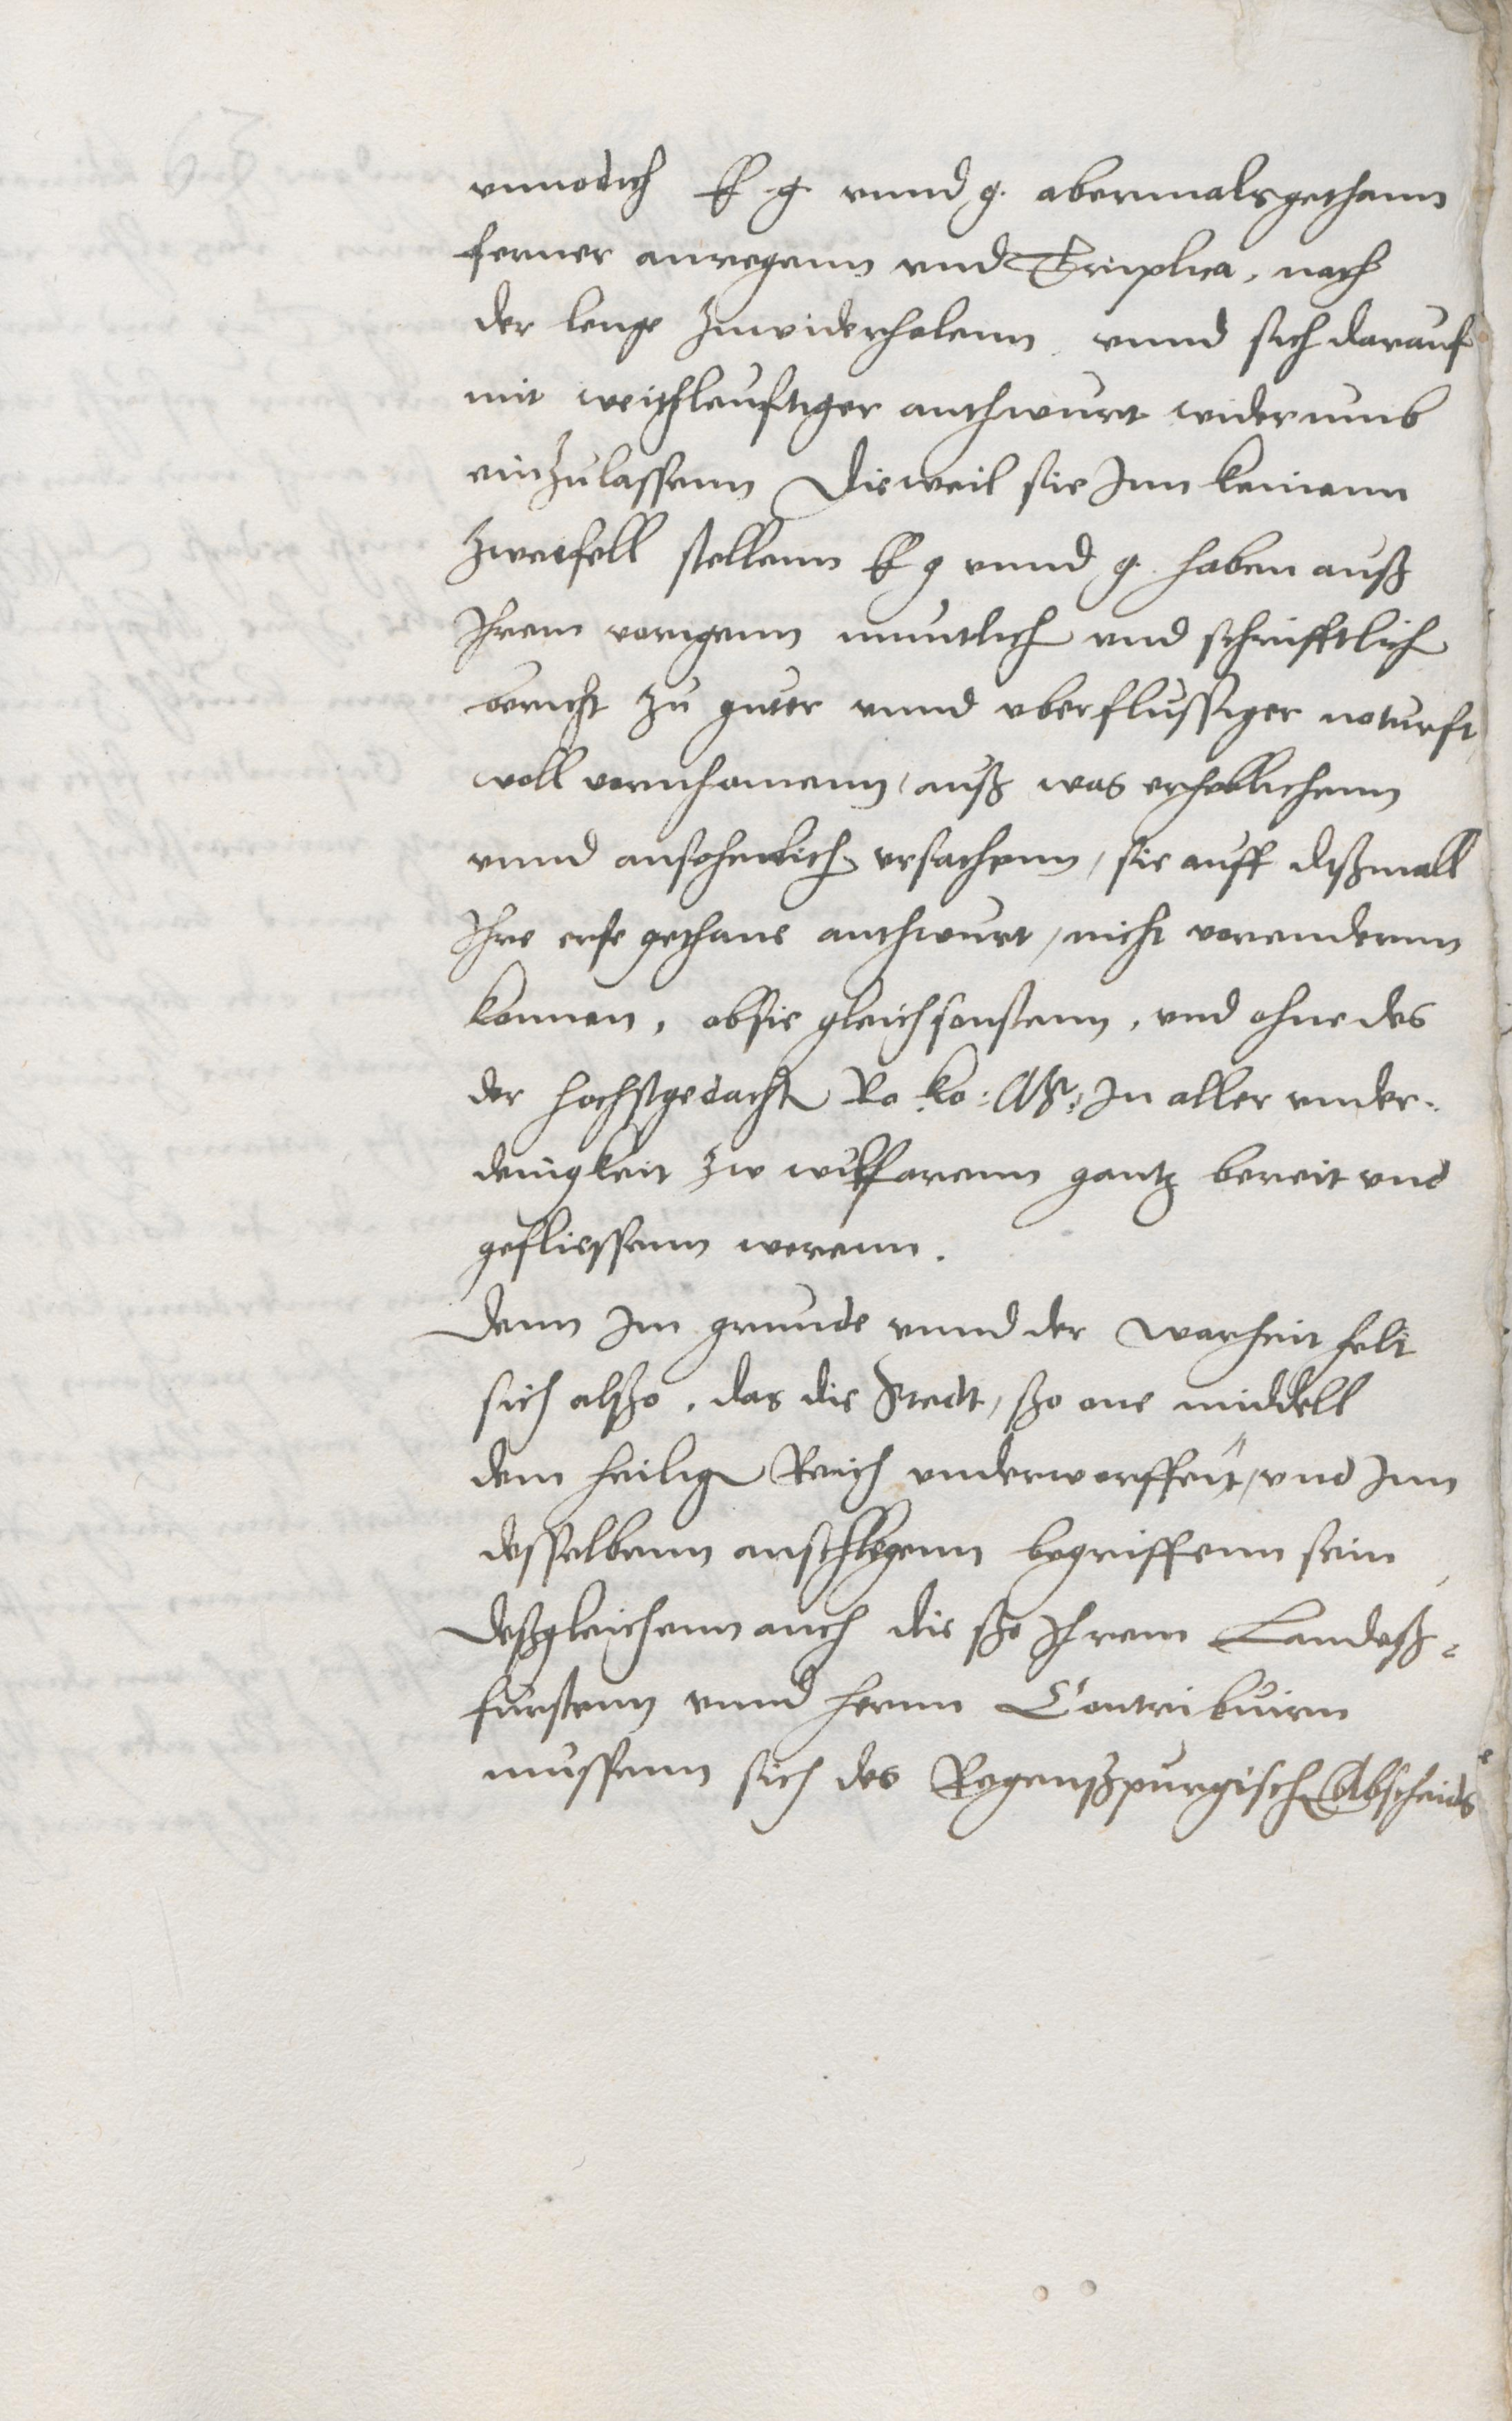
vnnodich E. g. vnnd g. abermals gethann
ferner anregenn vnd Triplica, nach
der lenge zuwiderholenn vnnd sich darauf
mit weithleuftiger anthwurt widerumb
einzulassenn Dieweil sie jnn keinenn
zweifell stellenn E g vnnd g. haben auß
jhrem vorigenn muntlichen vnd schrifftlichen
bericht zu guter vnnd vberflussiger noturft
woll vornhomenn, auß was erheblichenn
vnnd ansehenlichen vrsachenn, sie auff dißmall
jhre erste gethane anthwurt, nicht vorendernn
konnen, ob sie gleich sonstenn, vnd ohne des
der hochstgedachten Ro: Ko: Mt: jn aller vnder¬
denigkeit zw wilfarenn gantz bereit vnd
gefliessenn werenn.
Denn jm grunde vnnd der warheit helt
sich alßo, das die Stedt, ßo one middell
dem heiligen Reich vnderworffen, vnd jnn
desselbenn anschlegenn begriffenn sein
deßgleichenn auch die ßo jhrem Landeß¬
furstenn vnnd hernn Contribuirn
mussenn sich des Regenßpurgischen Abscheids
